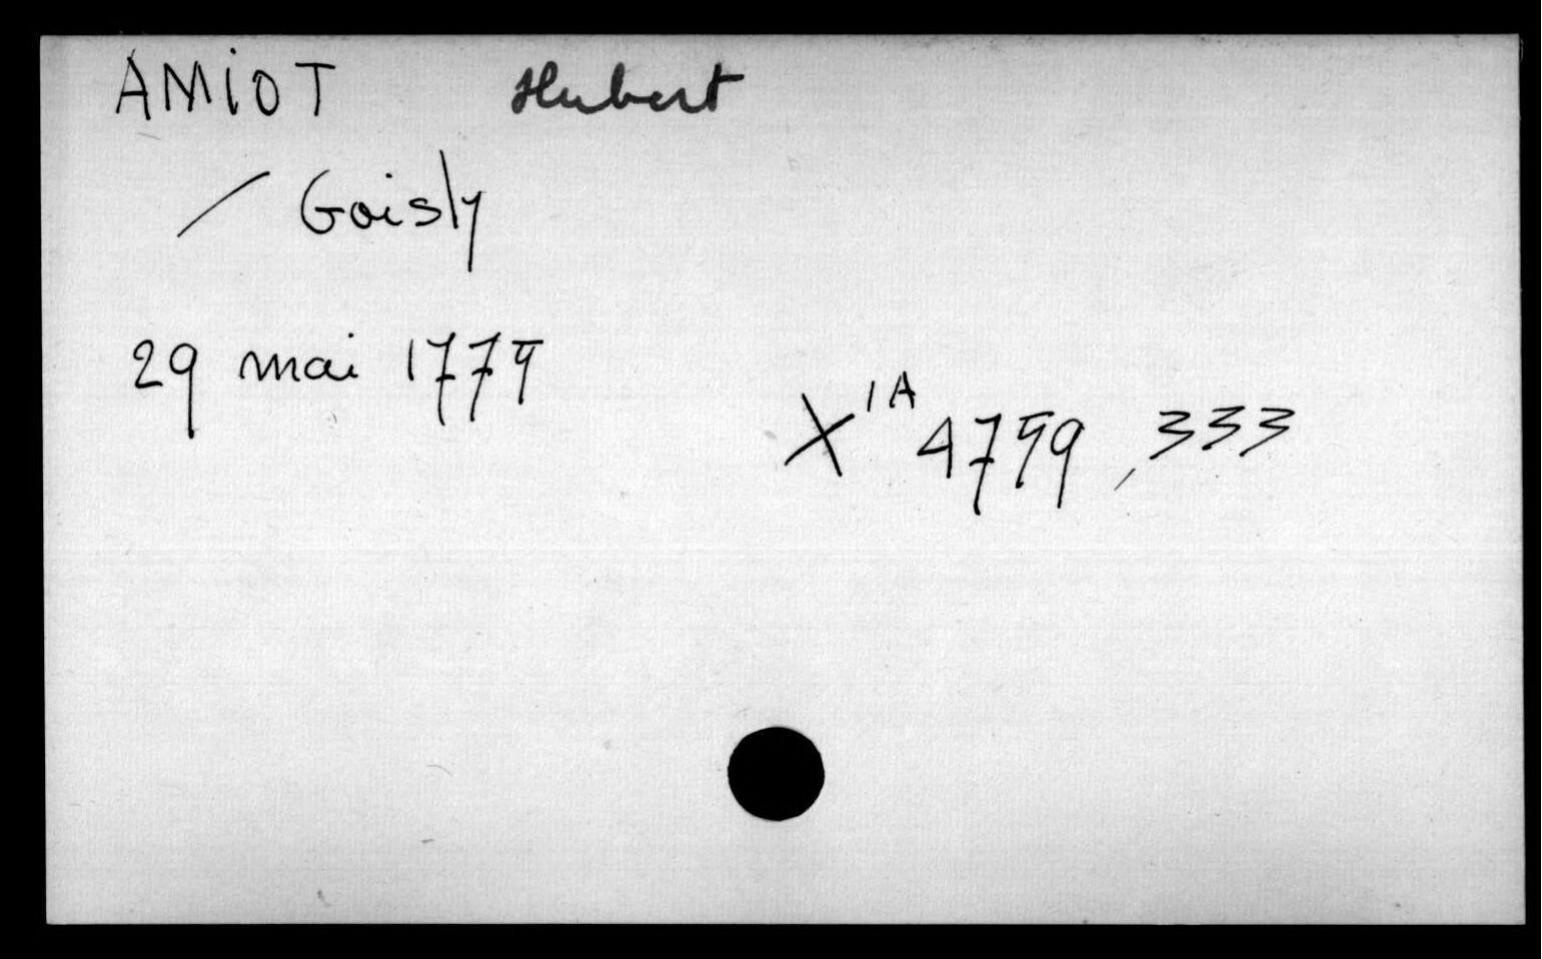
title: AMIOT Hubert
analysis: Contre Goisly
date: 29 mai 1775
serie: X1A
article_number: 4759
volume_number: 333
